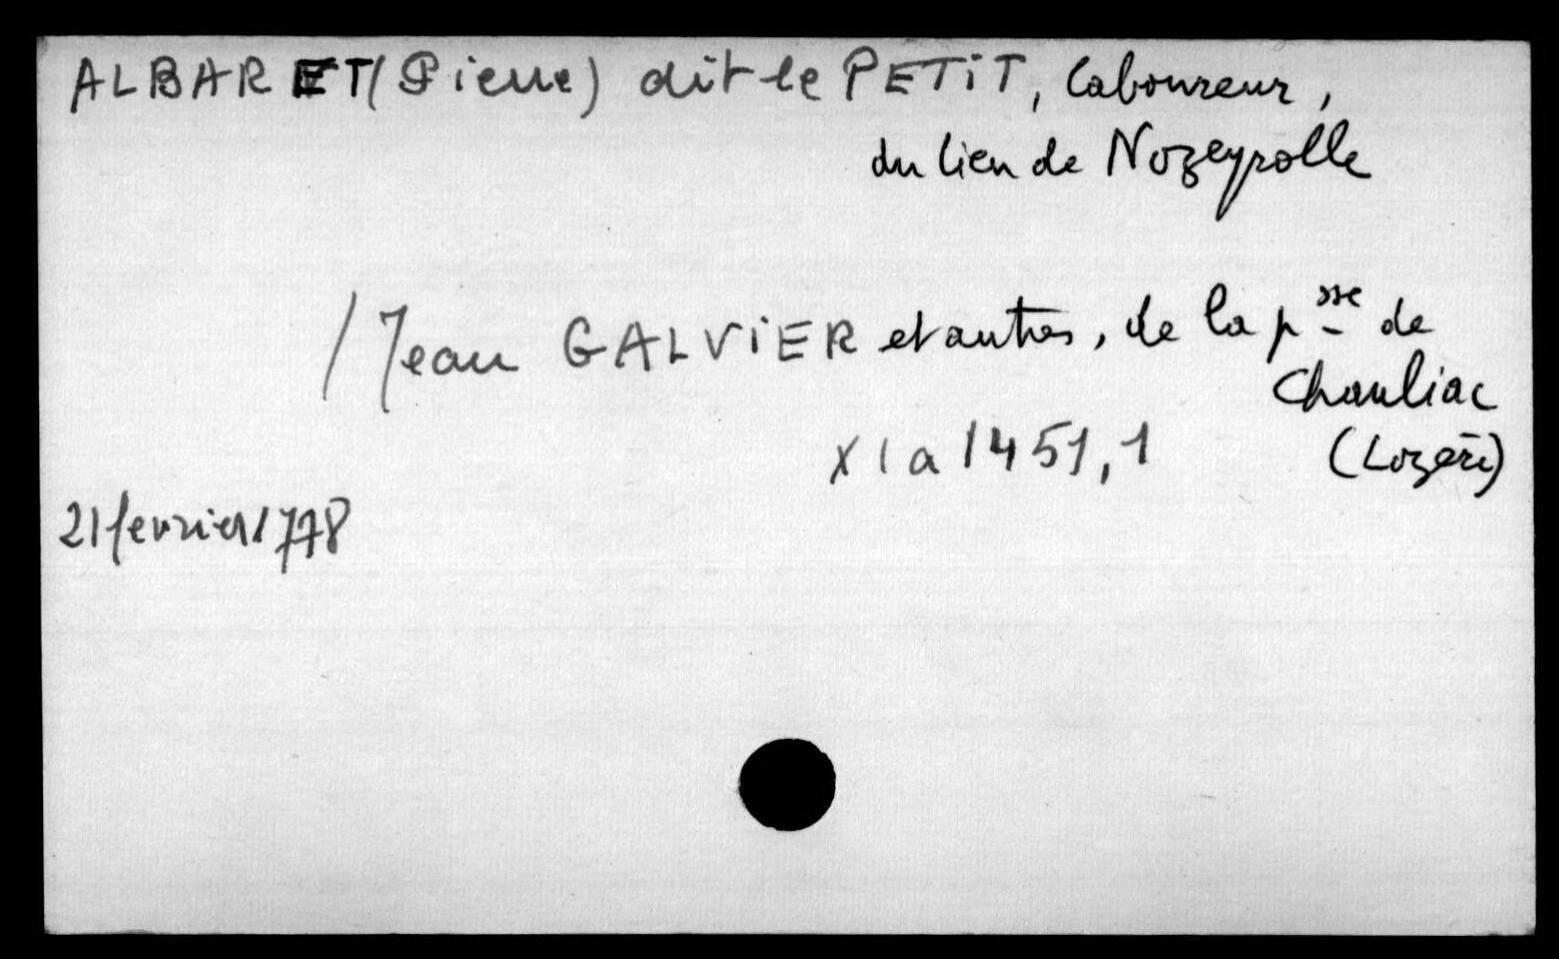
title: ALBARET (Pierre) dit le PEETIT, laboureur au lieu de Nozeyrolle
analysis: Contre Jean GALVIER et autres, de la paroisse de Chauliac (Lozère)
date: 21 février 1778
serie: X1A
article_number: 1451
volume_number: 1
